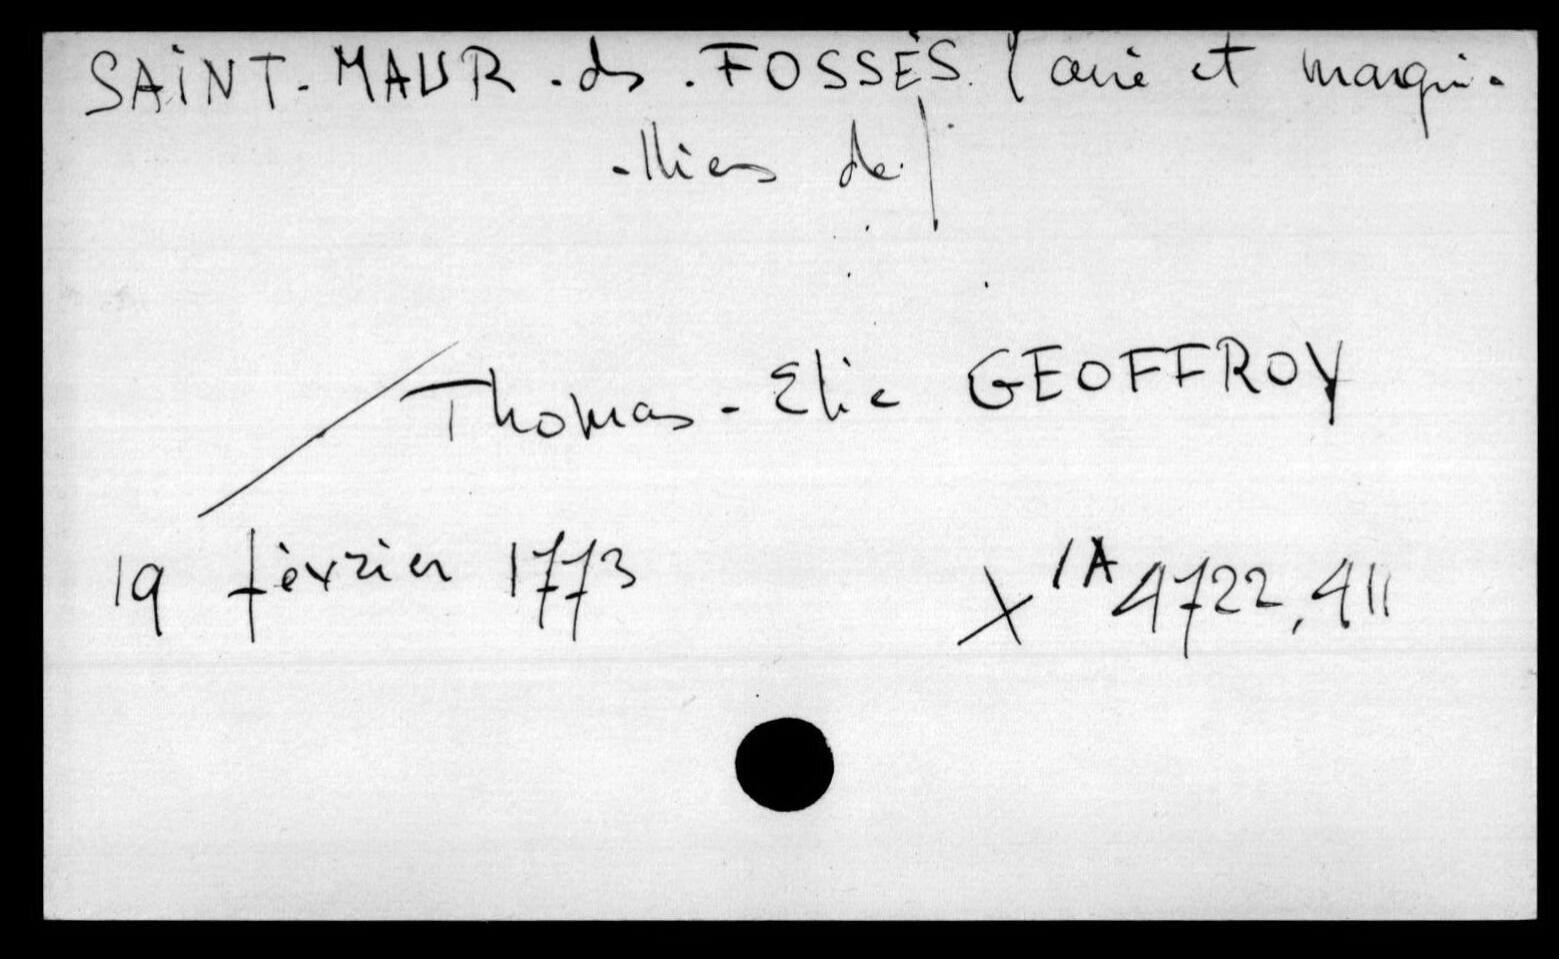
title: SAINT-MAUR des FOSSÉS (curé et marguilliers de)
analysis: Contre Thomas-Elie GEOFFROY
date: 19 février 1773
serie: X1A
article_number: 4722
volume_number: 411
